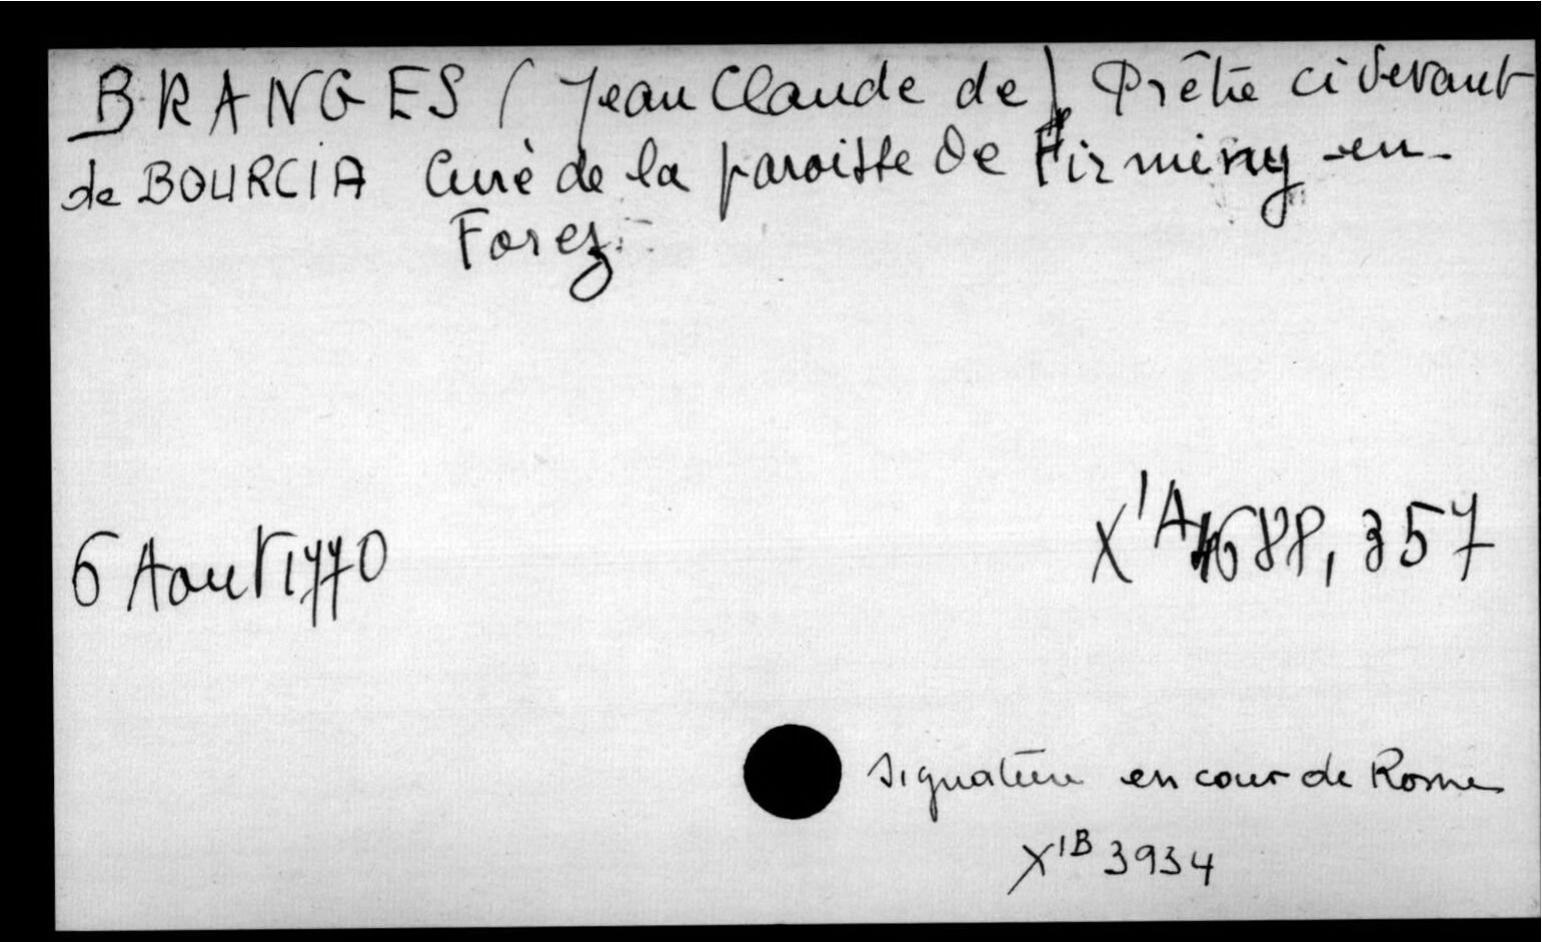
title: BRANGES (Jean Claude de) Prêtre c-devant de BOURCIA curé de la paroisse de Firminy-en-Forez.
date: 6 août 1770
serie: X1A
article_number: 4688
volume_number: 357
